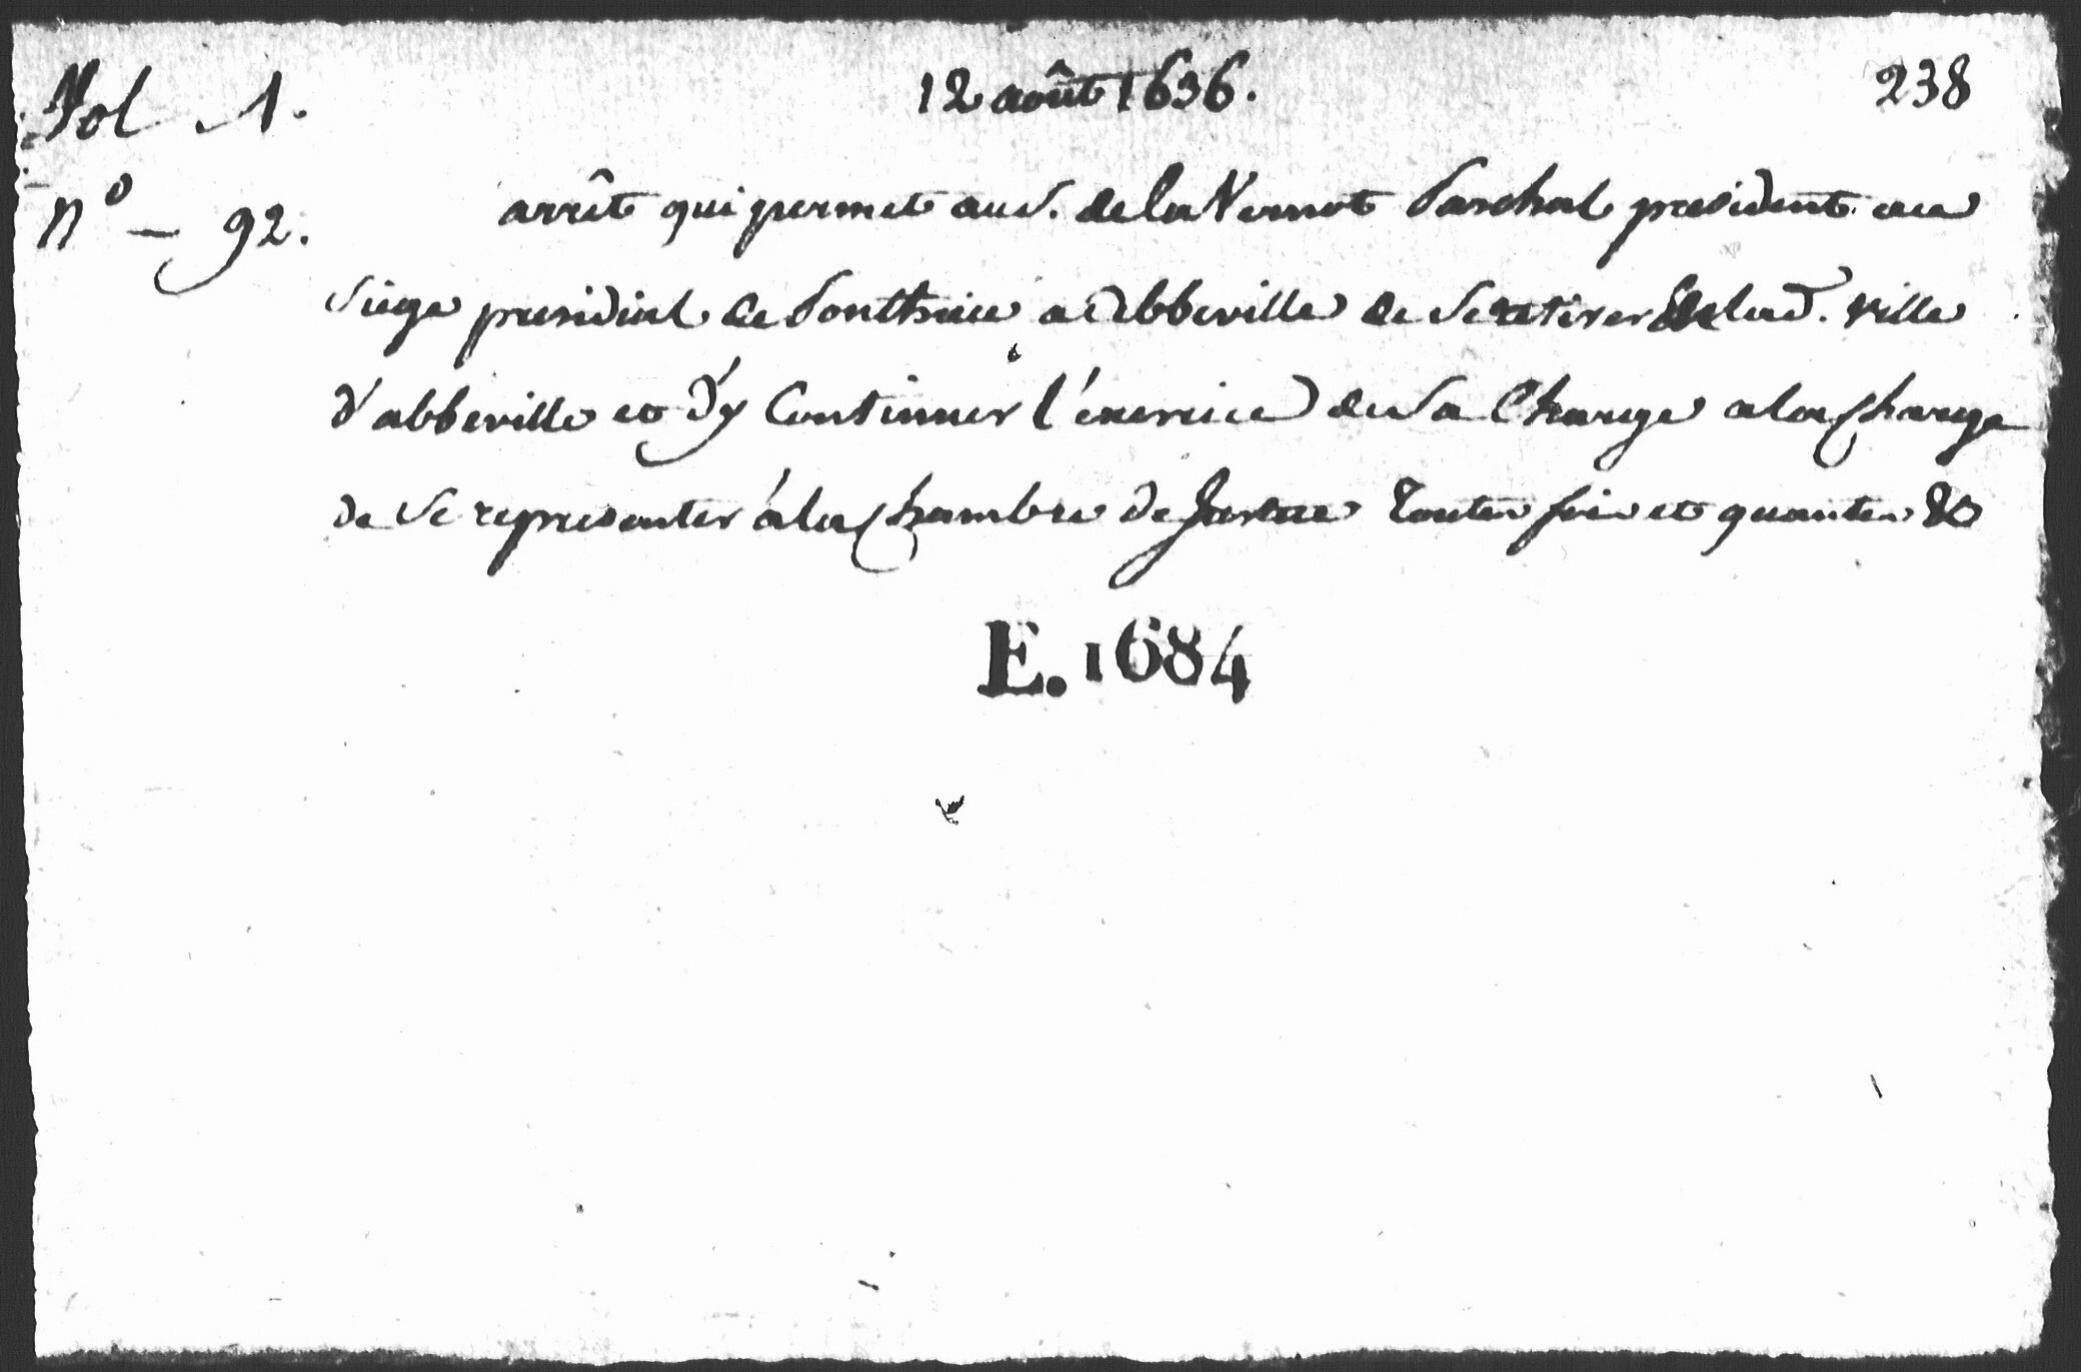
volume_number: n°92
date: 12 août 1636
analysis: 238
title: arrêt qui permet au S. de la Vernot Paschal president au siege presidial de Ponthieu a Abbeville de se retirer de lad. ville d'Abbeville et d'y continuer l'exercice de sa charge a la charge de se representer à la Chambre de Justice toutes fois et quantes etc.
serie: E
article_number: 1684
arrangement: vol. 1
